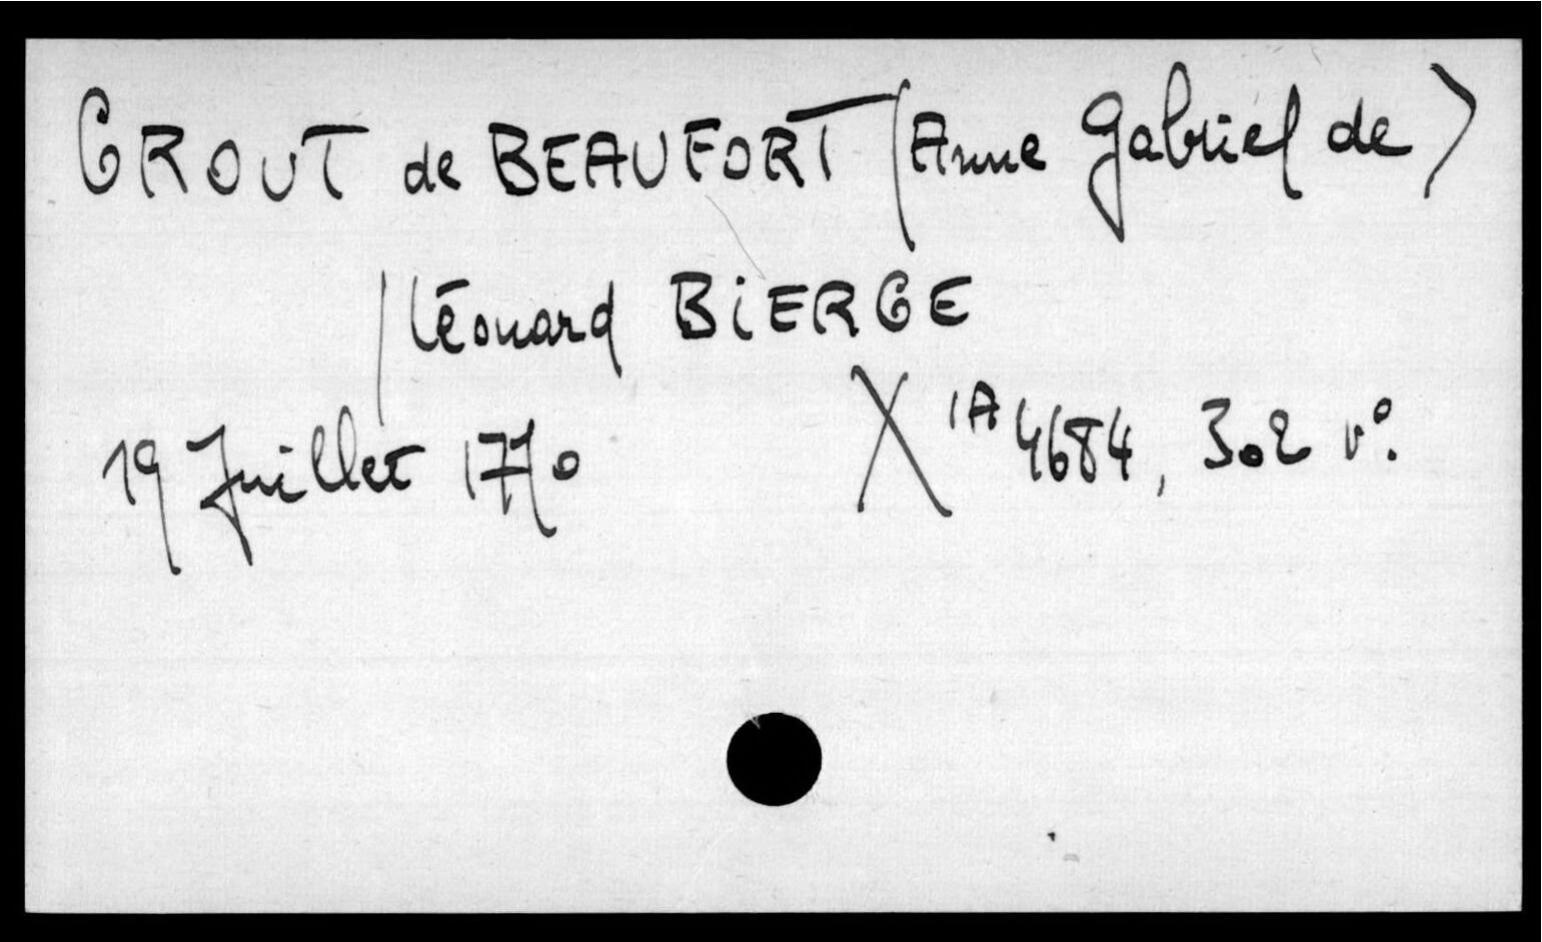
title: GROUT de BEAUFORT (Anne Gabriel de)
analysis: Contre Léonard BIERGE
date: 19 juillet 1770
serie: X1A
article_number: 4684
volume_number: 302v
